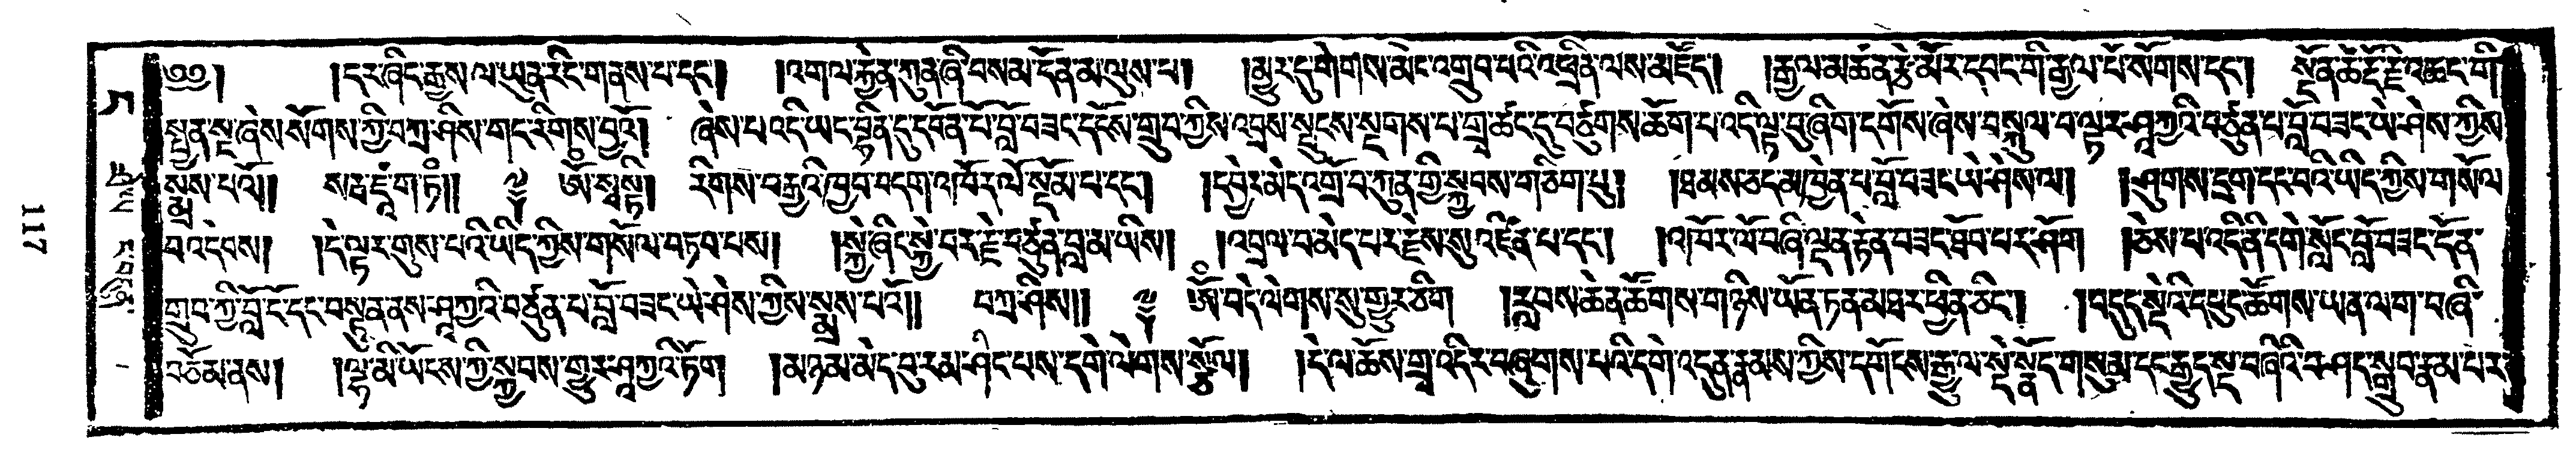༄༅། །དར་ཞིང་རྒྱས་ལ་ཡུན་རིང་གནས་པ་དང་། །འགལ་རྐྱེན་ཀུན་ཞི་བསམ་དོན་མ་ལུས་པ། །མྱུར་དུ་གེགས་མིང་འགྲུབ་པའི་འཕྲིན་ལས་མཛོད། །རྒྱལ་མཚན་རྩེ་མོར་དབང་གི་རྒྱལ་པོ་སོགས་དང་། སྔོན་ཆོ་རྡོ་རྗེ་འཆང་གི་
སྤྱན་སྔ་ཞེས་སོགས་ཀྱི་བཀྲ་ཤིས་གང་རིགས་བྱའོ། ཞེས་པ་འདི་ཡང་བྷིན་དུ་དབོན་པོ་བློ་བཟང་དངོས་གྲུབ་ཀྱིས་འབྲས་སྤུངས་སྔགས་པ་གྲྭ་ཚང་དུ་བཙུགས་ཆོག་པ་འདི་ལྟ་བུ་ཞིག་དགོས་ཞེས་བསྐུལ་བ་ལྟར་ཤཱཀྱའི་བཙུན་པ་བློ་བཟང་ཡེ་ཤེས་ཀྱིས་
སྨྲས་པའོ།། སརྦ་ཛཱ་ག་ཏཾ།། ༈ ཨོཾ་སྭསྟི། རིགས་བརྒྱའི་ཁྱབ་བདག་འཁོར་ལོ་སྡོམ་པ་དང་། །དབྱེར་མེད་འགྲོ་བ་ཀུན་གྱི་སྐྱབས་གཅིག་པུ། །ཐམས་ཅད་མཁྱེན་པ་བློ་བཟང་ཡེ་ཤེས་ལ། །ཤུགས་དྲག་དང་བའི་ཡིད་ཀྱིས་གསོལ་
བ་འདེབས། །དེ་ལྟར་གུས་པའི་ཡིད་ཀྱིས་གསོལ་བཏབ་པས། །སྐྱེ་ཞིང་སྐྱེ་བར་རྗེ་བཙུན་བླ་མ་ཡིས། །འབྲལ་བ་མེད་པར་རྗེས་སུ་འཛིན་པ་དང་། །འཁོར་ལོ་བཞི་ལྡན་རྟེན་བཟང་ཐོབ་པར་ཤོག །ཅེས་པ་འདི་ནི་དགེ་སློང་བློ་བཟང་དོན་
གྲུབ་ཀྱི་བློ་ངོ་དང་བསྟུན་ནས་ཤཱཀྱའི་བཙུན་པ་བློ་བཟང་ཡེ་ཤེས་ཀྱིས་སྨྲས་པའོ།། བཀྲ་ཤིས།། ༈ ཨོཾ་བདེ་ལེགས་སུ་གྱུར་ཅིག །རླབས་ཆེན་ཚོགས་གཉིས་ཡོན་ཏན་མཐར་ཕྱིན་ཅིང་། །བདུད་སྡེའི་དཔུང་ཚོགས་ཡན་ལག་བཞི་
བཅོམ་ནས། །ལྷ་མི་ཡོངས་ཀྱི་སྐྱབས་གྱུར་ཤཱཀྱའི་ཏོག །མཉམ་མེད་བུ་རམ་ཤིང་པས་དགེ་ལེགས་སྩོལ། །དེ་ལ་ཆོས་གྲྭ་འདིར་བཞུགས་པའི་དགེ་འདུན་རྣམས་ཀྱིས་དགོངས་རྒྱུ་ལ་སྡེ་སྣོད་གསུམ་དང་རྒྱུད་སྔ་བཞིའི་བཤད་སྒྲུབ་རྣམ་པར་